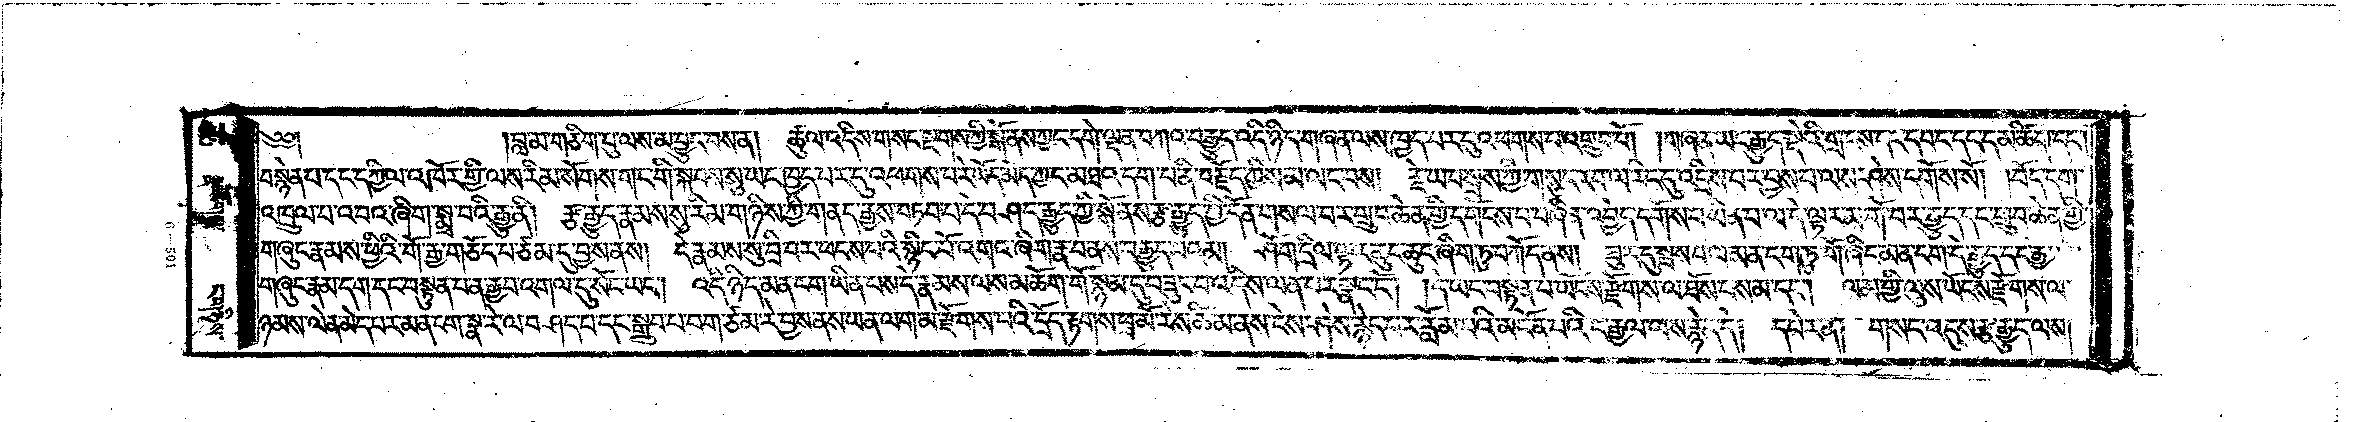༄༅། །བླ་མ་གཅིག་པུ་ལས་མ་བྱུང་བས་ན། ཚུལ་འདིས་གསང་སྔགས་ཀྱི་སྒོ་ནས་ཀྱང་དགེ་ལྡན་བཀའ་བརྒྱུད་འདི་ཉིད་གཞན་ལས་ཁྱད་པར་དུ་འཕགས་པ་འགྲུབ་བོ། །གཞན་ཡང་རྒྱུད་སྡེའི་གྲངས་དང་དབང་དང་དམ་ཚིག་དང་
བསྙེན་པ་དང་དཀྱིལ་འཁོར་གྱི་ལས་རིམ་སོགས་གང་གི་སྐབས་སུ་ཡང་ཁྱད་པར་དུ་འཕགས་པ་རེ་ཡོད་མེད་ཀྱང་མཐའ་དག་པ་ནི་བརྗོད་ཀྱིས་མ་ལང་བས། རྗེ་ཡབ་སྲས་ཀྱི་གསུང་རབ་ལ་རིང་དུ་འདྲིས་པར་བྱས་པ་ལས་ཤེས་དགོས་སོ། །བོད་དག་
འཁྲུལ་པ་འབའ་ཞིག་སྨྲ་བའི་རྒྱུ་ནི། རྩ་རྒྱུད་རྣམས་སུ་རིམ་གཉིས་ཀྱི་གནད་རྒྱས་བཏབ་པ་དེ་བཤད་རྒྱུད་ཀྱི་སྒོ་ནས་རྩ་རྒྱུད་ཀྱི་དོན་གསལ་བར་གྲུབ་ཆེན་གྱི་དགོངས་པ་བཞིན་འབྱེད་དགོས་པ་ཡིན་པ་ལ་དེ་ལྟར་མ་གོ་བར་རྒྱུད་དང་གྲུབ་ཆེན་གྱི་
གཞུང་རྣམས་ཕྱིའི་གོ་རྒྱ་གཅོད་པ་ཙམ་དུ་བྱས་ནས། དེ་རྣམས་སུ་བྲི་བར་ཕངས་པའི་སྙིང་པོ་འགའ་ཞིག་རྣ་བ་ནས་བརྒྱུད་པའམ། ཤོག་དྲིལ་ལྟར་ཆུང་ཆུང་ཞིག་ཏུ་བཀོད་ནས། ཟུར་དུ་སྤས་པ་ལ་མན་ངག་ཏུ་གོ་ཞིང་མན་ངག་དེ་རྒྱུད་དང་རྒྱ་
གཞུང་རྣམ་དག་དང་བསྟུན་པ་ན་རྒྱབ་འགལ་དུ་སོང་ཡང་། འདི་ཉིད་མན་ངག་ཡིན་པས་དེ་རྣམས་ལས་མཆོག་གོ་སྙམ་དུ་བཟུང་བ་འདིས་ལན་པར་སྣང་ངོ། །དེ་ཡང་བསྟན་པ་ཡོངས་རྫོགས་ལ་ཐོས་བསམ་དང་། ལམ་གྱི་ལུས་ཡོངས་རྫོགས་ལ་
ཉམས་ལེན་མེད་པར་མན་ངག་སྣ་རེ་ལ་བཤད་པ་དང་སྒྲུབ་པ་བག་ཙམ་རེ་བྱས་ནས་ཡན་ལག་མ་རྫོགས་པའི་དྲོད་རྟགས་ཕྲ་མོ་རེས་ཚིམ་ནས་ངེས་ཤེས་རྙེད་པར་རློམ་པའི་མངོན་པའི་ང་རྒྱལ་ལས་རྙེད་དེ། དཔེར་ན། གསང་འདུས་རྩ་རྒྱུད་ལས།